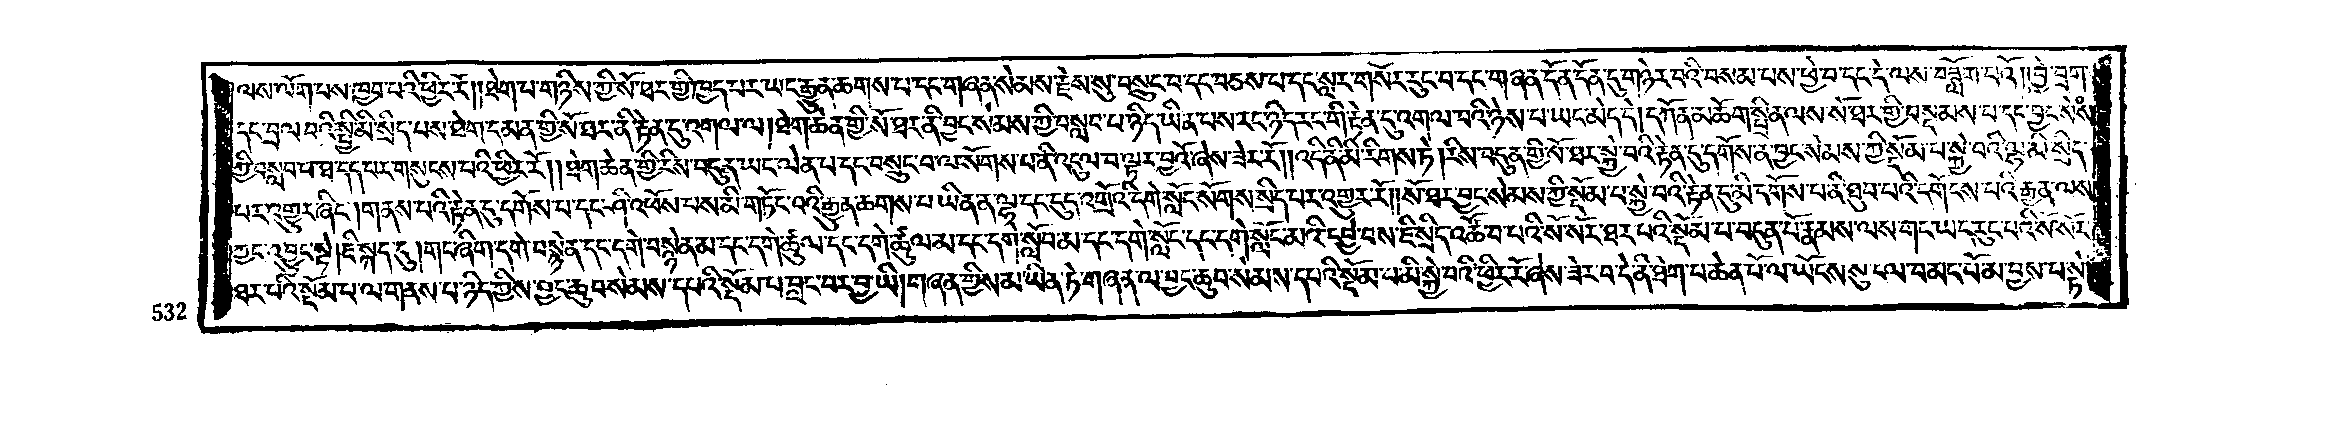ལས་ལོག་པས་ཁྱབ་པའི་ཕྱིར་རོ། །ཐེག་པ་གཉིས་ཀྱི་སོ་ཐར་གྱི་ཁྱད་པར་ཡང་རྒྱུན་ཆགས་པ་དང་གཞན་སེམས་རྗེས་སུ་བསྲུང་བ་དང་བཅས་པ་དང་སླར་གསོར་རུང་བ་དང་གཞན་དོན་དོན་དུ་གཉེར་བའི་བསམ་པས་ཕྱེ་བ་དང་དེ་ལས་བཟློག་པའོ། །བྱེ་བྲག་
དང་བྲལ་བའི་སྤྱི་མི་སྲིད་པས་ཐེག་དམན་གྱི་སོ་ཐར་ནི་རྟེན་དུ་འགལ་ལ། ཐེག་ཆེན་གྱི་སོ་ཐར་ནི་བྱང་སེམས་ཀྱི་བསླབ་པ་ཉིད་ཡིན་པས་རང་ཉིད་རང་གི་རྟེན་དུ་འགལ་བའི་ཉེས་པ་ཡང་མེད་དེ། དཀོན་མཆོག་སྤྲིན་ལས་སོ་ཐར་གྱི་བསྡམས་པ་དང་བྱང་སེམས་
ཀྱི་བསླབ་པ་ཐ་དད་པར་གསུངས་པའི་ཕྱིར་རོ། །ཐེག་ཆེན་གྱི་རིས་བདུན་ཡང་ལེན་པ་དང་བསྲུང་བ་ལ་སོགས་པ་ནི་འདུལ་བ་ལྟར་བྱའོ་ཞེས་ཟེར་རོ། །འདི་ནི་མི་རིགས་ཏེ། རིས་བདུན་གྱི་སོ་ཐར་སྐྱེ་བའི་རྟེན་དུ་དགོས་ན་བྱང་སེམས་ཀྱི་སྡོམ་པ་སྐྱེ་བའི་ལྷ་མི་སྲིད་
པར་འགྱུར་ཞིང་། གནས་པའི་རྟེན་དུ་དགོས་པ་དང་ཤི་འཕོས་པས་མི་གཏོང་བའི་རྒྱུན་ཆགས་པ་ཡིན་ན་ལྷ་དང་དུད་འགྲོའི་དགེ་སློང་སོགས་སྲིད་པར་འགྱུར་རོ། །སོ་ཐར་བྱང་སེམས་ཀྱི་སྡོམ་པ་སྐྱེ་བའི་རྟེན་དུ་མི་དགོས་པ་ནི་ཐུབ་པའི་དགོངས་པའི་རྒྱན་ལས་
ཀྱང་འབྱུང་སྟེ། ཇི་སྐད་དུ། གང་ཞིག་དགེ་བསྙེན་དང་དགེ་བསྙེན་མ་དང་དགེ་ཚུལ་དང་དགེ་ཚུལ་མ་དང་དགེ་སློང་མ་དང་དགེ་སློང་དང་དགེ་སློང་མའི་དབྱེ་བས་ཇི་སྲིད་འཚོ་བ་པའི་སོ་སོར་ཐར་པའི་སྡོམ་པ་བདུན་པོ་རྣམས་ལས་གང་ཡང་རུང་པའི་སོ་སོར་
ཐར་པའི་སྡོམ་པ་ལ་གནས་པ་ཉིད་ཀྱིས་བྱང་ཆུབ་སེམས་དཔའི་སྡོམ་པ་བླང་བར་བྱ་ཡི། གཞན་གྱིས་མ་ཡིན་ཏེ་གཞན་ལ་བྱང་ཆུབ་སེམས་དཔའི་སྡོམ་པ་མི་སྐྱེ་བའི་ཕྱིར་རོ་ཞེས་ཟེར་བ་དེ་ནི་ཐེག་པ་ཆེན་པོ་ལ་ཡོངས་སུ་ངལ་བ་མང་པོ་མ་བྱས་པ་སྟེ།